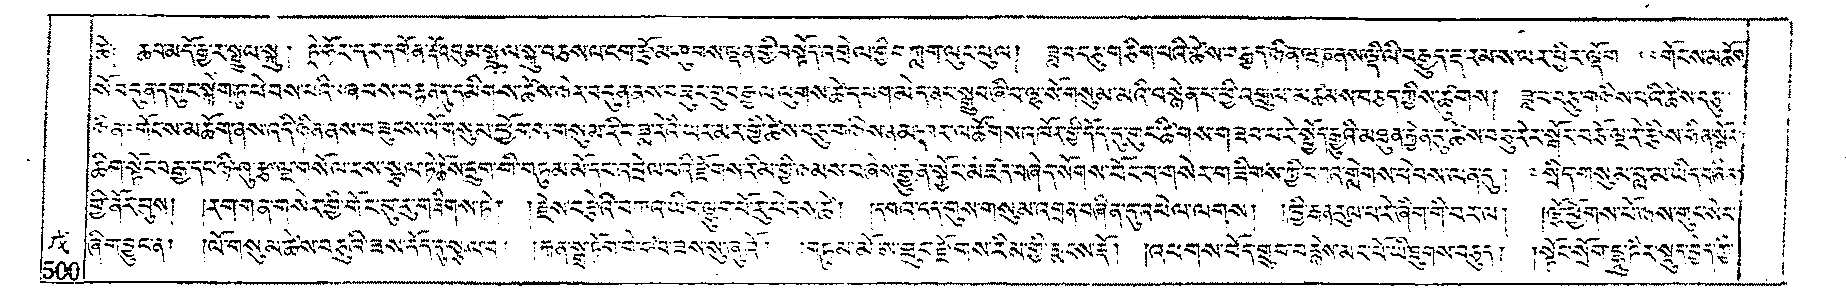ཆེ༑ ཆབ་མདོ་རྒྱ་ར་སྤྲུལ་སྐུ། ཏྲེ་ཧོར་དར་དགོན་རྡོ་འབུམ་སྤྲུལ་སྐུ་བཅས་ལ་ངག་རྩོམ་ཤུགས་ལྡན་གྱི་བསྟོད་འགྲེལ་གྱི་བཀླག་ལུང་ཕུལ། ཟླ་བ་བཅུ་གཅིག་པའི་ཚེས་བརྒྱད་ཉིན་ཝ་ཎ་ནས་ལྡི་ལི་བརྒྱུད་རྡ་རམ་ས་ལར་ཕྱིར་ལྡོག །༧གོང་ས་མཆོག་
སོ་བདུན་དགུང་སྐེག་ཏུ་ཕེབས་པའི་༧ཞབས་བརྟན་དུ་དམིགས་ཚེས་ཉེར་བདུན་ནས་བཟུང་གྲུབ་རྒྱལ་ལུགས་ཚེ་དཔག་མེད་ནང་སྒྲུབ་ཞི་བ་ལྷ་སོ་གསུམ་མའི་བསྙེན་པ་ཕྱི་འགྲུལ་མཚམས་བཅད་ཀྱིས་ཚུགས། ཟླ་བ་བཅུ་གཉིས་པའི་ཚེས་བཅུ་
ཉིན་༧གོང་ས་མཆོག་ནས་འདི་ཉིན་ནས་བཟུངས་ལོ་གསུམ་ཕྱོགས་གསུམ་རིང་ཟླ་རེའི་ཡར་མར་གྱི་ཚེས་བཅུ་གཉིས་ནམ་ཤར་ལ་ཚོགས་འཁོར་གྱི་དོད་དུ་གུང་ཚིགས་གཟབ་པ་རེ་སྤྱོད་རྒྱུའི་མཐུན་རྐྱེན་དུ་ཚེས་བཅུ་རེར་སྒོར་བཅོ་ལྔ་རེ་རྩིས་ཧིན་སྒོར་
ཆིག་སྟོང་བརྒྱ་དང་ཉི་ཤུ་རྩ་ལྔ་གསོལ་རས་སྩལ་ཏེ་ཆོས་དྲུག་གི་གཏུམ་མོ་དང་འབྲེལ་བའི་རྫོགས་རིམ་གྱི་ཉམས་བཞེས་རྒྱུན་སྐྱོང་མཛད་བཞེད་སོགས་བོང་བ་གསེར་གཟིགས་ཀྱི་བཀའ་གླེགས་ཕེབས་ལན་དུ། ༧སྲིད་གསུམ་བླ་མ་ཡིད་བཞིན་
གྱི་ནོར་བུས། །རག་གན་གསེར་གྱི་གོང་བུ་རུ་གཟིགས་ཏེ། །རྗེས་བརྩེའི་བཀའ་ཡིག་ལྷུག་པོ་རུ་ཕེབས་ཚེ། །དགའ་དད་གུས་གསུམ་འགྲན་བཞིན་དུ་འཕེལ་ལགས། །ཁྱི་རྒན་རུལ་པ་རེ་ཞིག་གི་བར་ལ། །ལྷོ་ཕྱོགས་ཕོ་ཉས་གུང་སེང་
ཞིག་བྱུང་ན། །ལོ་གསུམ་ཚེས་བཅུའི་ཟས་དོད་དུ་སྩལ་བ། །རྐན་སྒྲ་ཏོག་གེ་ཧབ་ཟས་སུ་ཞུའོ། །གཏུམ་མོ་ཨ་ཐུང་རྫོགས་རིམ་གྱི་རྨངས་རྡོ། །འཕགས་བོད་གྲུབ་བརྙེས་མང་པོ་ཡི་ཐུགས་བཅུད། །སྟོང་སྲོག་དྷཱུ་ཏིར་སྡུད་བྱེད་ཀྱི་